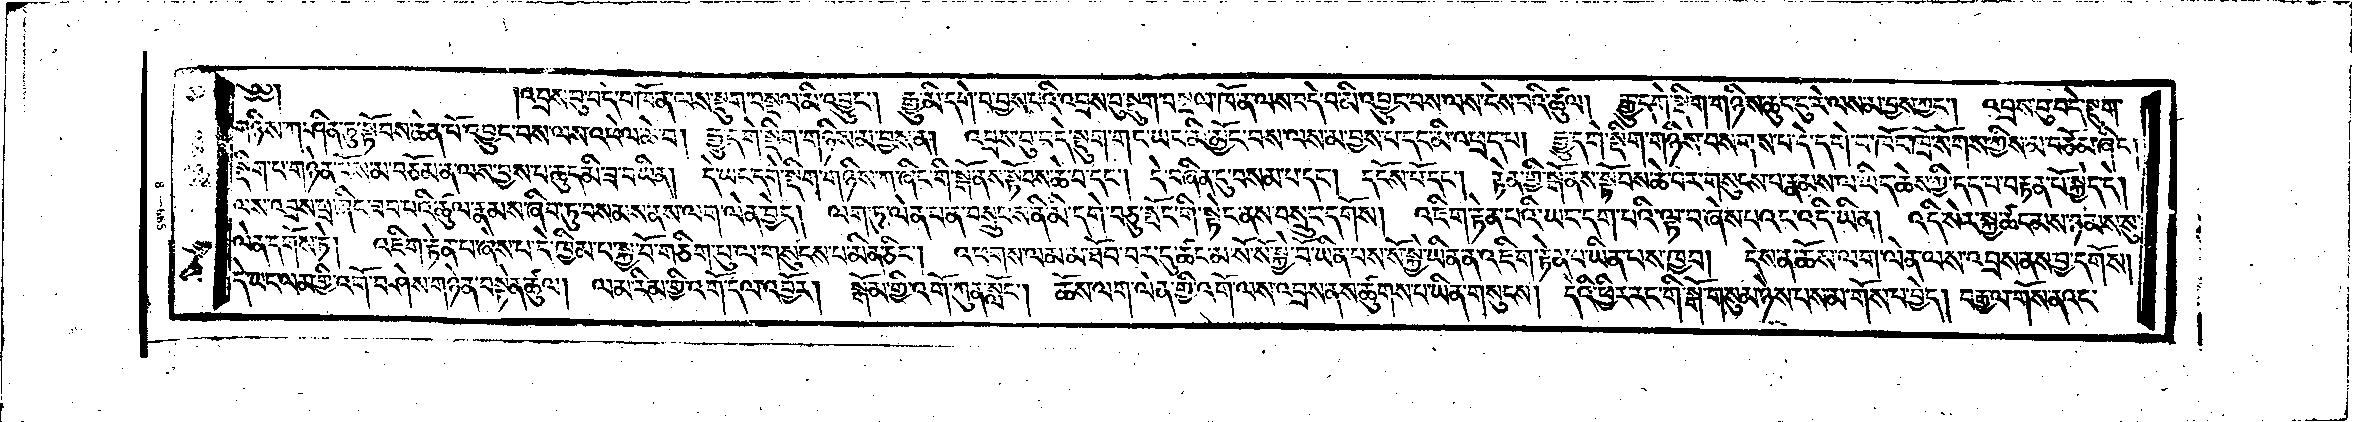༄༅། །འབྲས་བུ་བདེ་བ་ཁོ་ན་ལས་སྡུག་བསྔལ་མི་འབྱུང་། རྒྱུ་མི་དགེ་བ་བྱས་པའི་འབྲས་བུ་སྡུག་བསྔལ་ཁོ་ན་ལས་བདེ་བ་མི་འབྱུང་བས་ལས་ངེས་པའི་ཚུལ། རྒྱུ་དགེ་སྡིག་གཉིས་ཆུང་ངུ་རེ་ལས་མ་བྱས་ཀྱང་། འབྲས་བུ་བདེ་སྡུག་
གཉིས་ཀ་ཤིན་ཏུ་སྟོབས་ཆེན་པོ་འབྱུང་བས་ལས་འཕེལ་ཆེ་བ། རྒྱུ་དགེ་སྡིག་གཉིས་མ་བྱས་ན། འབྲས་བུ་བདེ་སྡུག་གང་ཡང་མི་མྱོང་བས་ལས་མ་བྱས་པ་དང་མི་འཕྲད་པ། རྒྱུ་དགེ་སྡིག་གཉིས་བསགས་པ་དེ་དགེ་བ་ཁོང་ཁྲོ་སོགས་ཀྱིས་མ་བཅོམ་ཞིང་།
སྡིག་པ་གཉེན་པོས་མ་བཅོམ་ན་ལས་བྱས་པ་ཆུད་མི་ཟ་བ་ཡིན། དེ་ཡང་དགེ་སྡིག་གཉིས་ཀ་ཞིང་གི་སྒོ་ནས་སྟོབས་ཆེ་བ་དང་། དེ་བཞིན་དུ་བསམ་པ་དང་། དངོས་པོ་དང་། རྟེན་གྱི་སྒོ་ནས་སྟོབས་ཆེ་བར་གསུངས་པ་རྣམས་ལ་ཡིད་ཆེས་ཀྱི་དད་པ་བརྟན་པོ་སྐྱེད་དེ།
ལས་འབྲས་ཕྲ་ཞིང་ཟབ་པའི་ཚུལ་རྣམས་ཞིབ་ཏུ་བསམས་ནས་ལག་ལེན་བྱེད། ལག་ཏུ་ལེན་པ་ན་བསྲུང་ས་ནི་མི་དགེ་བཅུ་སྤོང་གི་སྟེང་ནས་བསྲུང་དགོས། འཇིག་རྟེན་པའི་ཡང་དག་པའི་ལྟ་བ་ཞེས་པའང་འདི་ཡིན། འདི་སེར་སྐྱ་ཚང་མས་ཉམས་སུ་
ལེན་དགོས་ཏེ། འཇིག་རྟེན་པ་ཞེས་པ་དེ་ཁྱིམ་པ་སྐྱ་བོ་གཅིག་པུ་ལ་གསུངས་པ་མིན་ཅིང་། འཕགས་ལམ་མ་ཐོབ་བར་དུ་ཚང་མ་སོ་སོ་སྐྱེ་བོ་ཡིན་པས་སོ་སྐྱེ་ཡིན་ན་འཇིག་རྟེན་པ་ཡིན་པས་ཁྱབ། དེས་ན་ཆོས་ལག་ལེན་ལས་འབྲས་ནས་བྱ་དགོས།
དེ་ཡང་ལམ་གྱི་འགོ་བཤེས་གཉེན་བསྟེན་ཚུལ། ལམ་རིམ་གྱི་འགོ་དལ་འབྱོར། སྒོམ་གྱི་འགོ་ཀུན་སློང་། ཆོས་ལག་ལེན་གྱི་འགོ་ལས་འབྲས་ནས་ཚུགས་པ་ཡིན་གསུངས། དེའི་ཕྱིར་རང་གི་སྒོ་གསུམ་ཉེས་པས་མ་གོས་པ་བྱེད། བརྒྱ་ལ་གོས་ནའང་